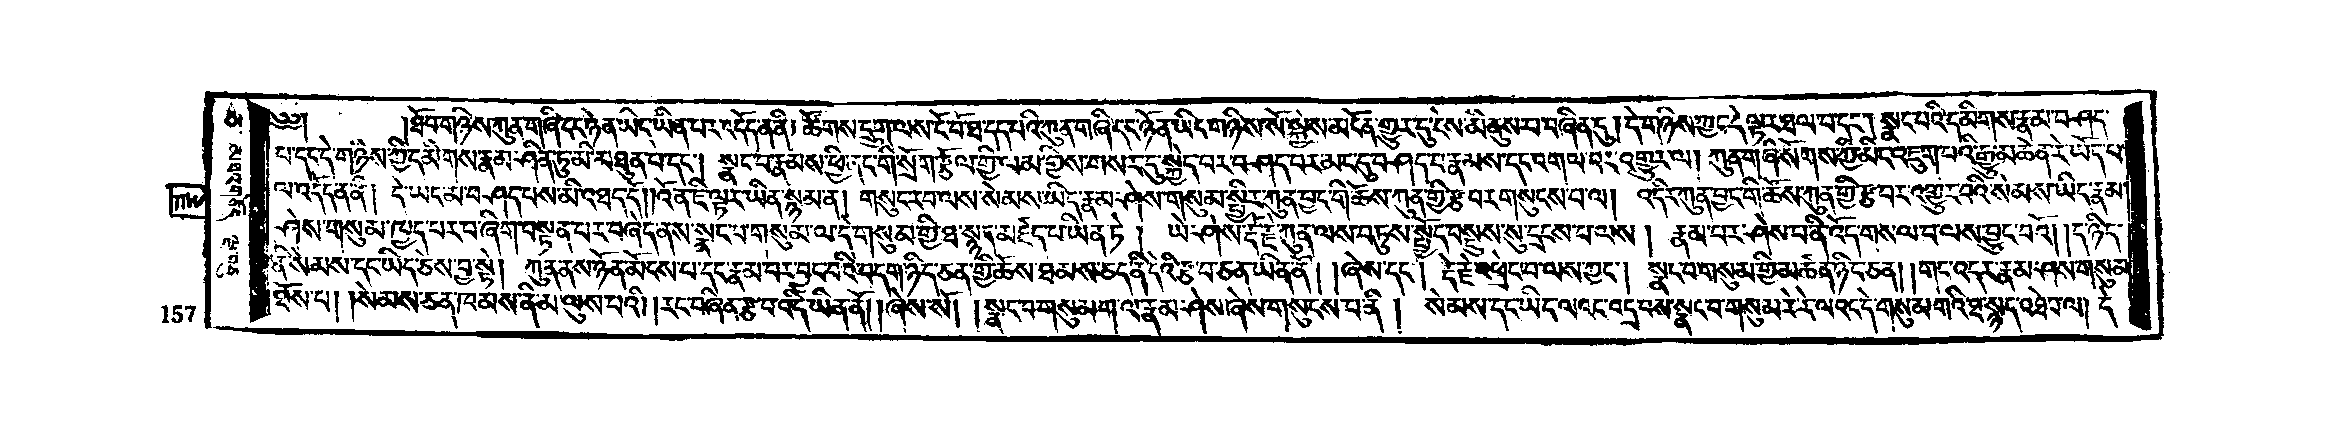༄༅། །ཐོབ་གཉིས་ཀུན་གཞི་དང་ཉོན་ཡིད་ཡིན་པར་འདོད་ན་ནི། ཚོགས་དྲུག་ལས་ངོ་བོ་ཐ་དད་པའི་ཀུན་གཞི་དང་ཉོན་ཡིད་གཉིས་སོ་སྐྱེས་མངོན་གྱུར་དུ་ངེས་མི་ནུས་པ་བཞིན་དུ། དེ་གཉིས་ཀྱང་དེ་ལྟར་ཐལ་བ་དང་། སྣང་བའི་དམིགས་རྣམ་བཤད་
པ་དང་དེ་གཉིས་ཀྱི་དམིགས་རྣམ་ཤིན་ཏུ་མི་མཐུན་པ་དང་། སྣང་བ་རྣམས་ཕྱི་ནང་གི་སྲོག་རྩོལ་གྱི་ལམ་གྱིས་གསར་དུ་སྐྱེད་པར་བཤད་པར་མང་དུ་བཤད་པ་རྣམས་དང་འགལ་བར་འགྱུར་ལ། ཀུན་གཞི་སོགས་ཀྱི་མིང་འཇུག་པའི་རྒྱུ་མཚན་རེ་ཡོད་པ་
ལ་འདོད་ན་ནི། དེ་ཡང་མ་བཤད་པས་མི་འཐད་དོ། །འོ་ན་ཇི་ལྟར་ཡིན་སྙམ་ན། གསུང་རབ་ལས་སེམས་ཡིད་རྣམ་ཤེས་གསུམ་སྤྱིར་ཀུན་བྱང་གི་ཆོས་ཀུན་གྱི་རྩ་བར་གསུངས་པ་ལ། འདིར་ཀུན་བྱང་གི་ཆོས་ཀུན་གྱི་རྩ་བར་འགྱུར་བའི་སེམས་ཡིད་རྣམ་
ཤེས་གསུམ་ཁྱད་པར་བ་ཞིག་བསྟན་པར་བཞེད་ནས་སྣང་བ་གསུམ་ལ་དེ་གསུམ་གྱི་ཐ་སྙད་མཛད་པ་ཡིན་ཏེ། ཡེ་ཤེས་རྡོ་རྗེ་ཀུན་ལས་བཏུས་སྤྱོད་བསྡུས་སུ་དྲངས་པ་ལས། རྣམ་པར་ཤེས་པ་ནི་འོད་གསལ་བ་ལས་བྱུང་བའོ། །ད་ཉིད་
ནི་སེམས་དང་ཡིད་ཅེས་བྱ་སྟེ། ཀུན་ནས་ཉོན་མོངས་པ་དང་རྣམ་པར་བྱང་བའི་བདག་ཉིད་ཅན་གྱི་ཆོས་ཐམས་ཅད་ནི་དེའི་རྩ་བ་ཅན་ཡིན་ནོ། །ཞེས་དང་། རྡོ་རྗེ་འཕྲེང་བ་ལས་ཀྱང་། སྣང་བ་གསུམ་གྱི་མཚན་ཉིད་ཅན། །གང་འདར་རྣམ་ཤེས་གསུམ་
ཐོས་པ། །སེམས་ཅན་ཁམས་ནི་མ་ལུས་པའི། །རང་བཞིན་རྩ་བ་འདི་ཡིན་ནོ། །ཞེས་སོ། །སྣང་བ་གསུམ་ག་ལ་རྣམ་ཤེས་ཞེས་གསུངས་པ་ནི། སེམས་དང་ཡིད་ལའང་འདྲ་བས་སྣང་བ་གསུམ་རེ་རེ་ལའང་དེ་གསུམ་གའི་ཐ་སྙད་འཐོབ་ལ། དེ་